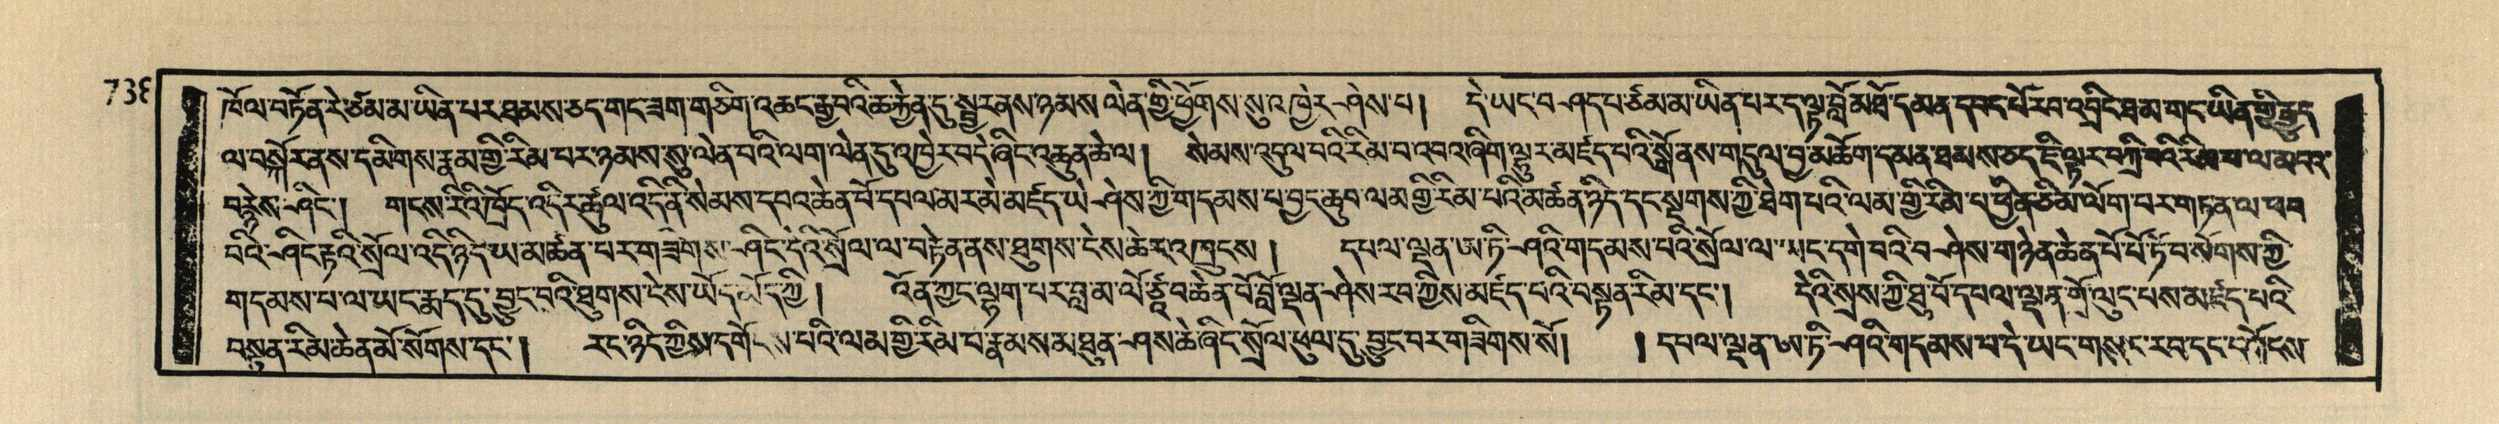ཁོལ་བཏོན་རེ་ཙམ་མ་ཡིན་པར་ཐམས་ཅད་གང་ཟག་གཅིག་འཆང་རྒྱ་བའི་ཆ་རྐྱེན་དུ་སྦྱར་ནས་ཉམས་ལེན་གྱི་ཕྱོགས་སུ་འཁྱེར་ཤེས་པ། དེ་ཡང་བཤད་པ་ཙམ་མ་ཡིན་པར་ད་ལྟ་བློ་མཐོ་དམན་དབང་པོ་རབ་འབྲིང་ཐམ་གང་ཡིན་གྱི་རྒྱུད་
ལ་བསྐོར་ནས་དམིགས་རྣམ་གྱི་རིམ་པར་ཉམས་སུ་ལེན་པའི་ལག་ལེན་དུ་འཁྱེར་པ་དེ་ཞིང་འཆུན་ཆེ་ལ། སེམས་འདུལ་བའི་རིམ་བ་འབའ་ཞིག་ལྷུར་མཛད་པའི་སྒོ་ནས་གདུལ་བྱ་མཆོག་དམན་ཐམས་ཅད་ཇི་ལྟར་བཀྲི་བའི་རིམ་པ་ལ་མངའ་
བརྙེས་ཤིང་། གངས་རིའི་ཁྲོད་འདིར་ཚུལ་འདི་ནི་སེམས་དཔའ་ཆེན་པོ་དཔལ་མར་མེ་མཛད་ཡེ་ཤེས་ཀྱི་གདམས་པ་བྱང་ཆུབ་ལམ་གྱི་རིམ་པའི་མཚན་ཉིད་དང་སྔགས་ཀྱི་ཐེག་པའི་ལམ་གྱི་རིམ་པ་ཕྱིན་ཅི་མ་ལོག་པར་གཏན་ལ་ཕབ་
བའི་ཤིང་རྟའི་སྲོལ་འདི་ཉིད་ཡ་མཚན་པར་གཟིགས་ཤིང་དེའི་སྲོལ་ལ་བརྟེན་ནས་ཐུགས་ངེས་ཆེར་འཁྲུངས། དཔལ་ལྡན་ཨ་ཏི་ཤའི་གདམས་པའི་སྲོལ་ལ་ཡང་དགེ་བའི་བཤེས་གཉེན་ཆེན་པོ་པོ་ཏོ་བ་སོགས་ཀྱི་
གདམས་པ་ལ་ཡང་རྨད་དུ་བྱུང་བའི་ཐུགས་ངེས་ཡོད་མོད་ཀྱི། འོན་ཀྱང་ལྷག་པར་བླ་མ་ལ་ལོ་ཙཱ་པ་ཆེན་པོ་བློ་ལྡན་ཤེས་རབ་ཀྱིས་མཛད་པའི་བསྟན་རིམ་དང་། དེའི་སྲས་ཀྱི་ཐུ་བོ་དཔལ་ལྡན་གྲོ་ལུང་བས་མཛད་པའི་
བསྟན་རིམ་ཆེན་མོ་སོགས་དང་། རང་ཉིད་ཀྱིས་དགོངས་པའི་ལམ་གྱི་རིམ་པ་རྣམས་མཐུན་ཤས་ཆེ་ཞིང་སྲོལ་ཕུལ་དུ་བྱུང་བར་གཟིགས་སོ། །དཔལ་ལྡན་ཨ་ཏི་ཤའི་གདམས་པ་དེ་ཡང་གསུང་རབ་དང་དགོངས་